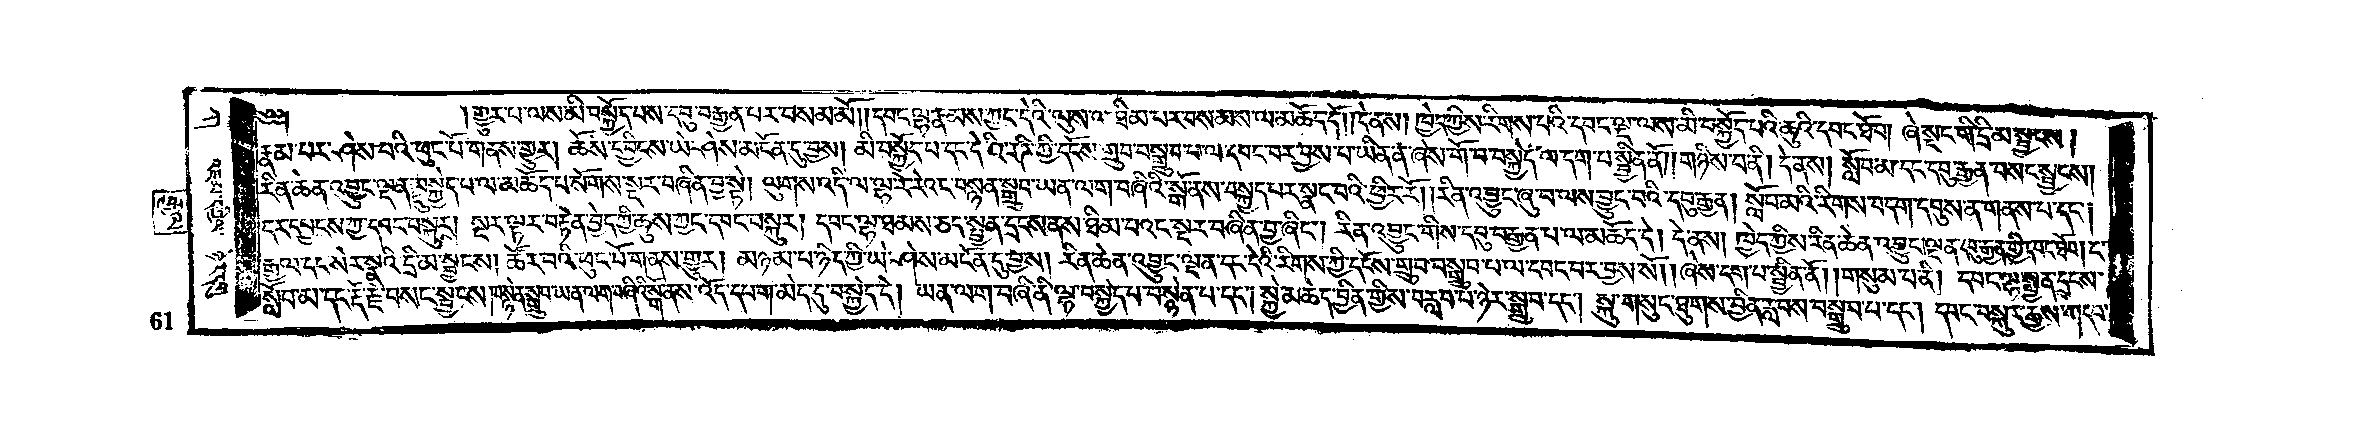༄༅། །གྱུར་པ་ལས་མི་བསྐྱོད་པས་དབུ་བརྒྱན་པར་བསམ་མོ། །དབང་ལྷ་རྣམས་ཀྱང་དེའི་ལུས་ལ་ཐིམ་པར་བསམས་ལ་མཆོད་དོ། །དེ་ནས། ཁྱེད་ཀྱིས་རིགས་པའི་དབང་ལྔ་ལས་མི་བསྐྱོད་པའི་ཆུའི་དབང་ཐོབ། ཞེ་སྡང་གི་དྲི་མ་སྦྱངས།
རྣམ་པར་ཤེས་པའི་ཕུང་པོ་གནས་གྱུར། ཆོས་དབྱིངས་ཡེ་ཤེས་མངོན་དུ་བྱས། མི་བསྐྱོད་པ་དང་དེའི་རིགས་ཀྱི་དངོས་གྲུབ་བསྒྲུབ་པ་ལ་དབང་བར་བྱས་པ་ཡིན་ནོ་ཞེས་གོ་བ་བསྐྱེད་ལ་དག་པ་སྦྱིན་ནོ། །གཉིས་པ་ནི། དེ་ནས། སློབ་མ་དང་དབུ་རྒྱན་བསང་སྦྱངས།
རིན་ཆེན་འབྱུང་ལྡན་དུ་བསྐྱེད་པ་ལ་མཆོད་པ་སོགས་སྔར་བཞིན་བྱ་སྟེ། ལུགས་འདི་ལ་ལྷ་རེ་རེའང་བསྙན་སྒྲུབ་ཡན་ལག་བཞིའི་སྒོ་ནས་བསྐྱད་པར་སྣང་བའི་ཕྱིར་རོ། །རིན་འབྱུང་ཞུ་བ་ལས་བྱུང་བའི་དབུ་རྒྱན། སློབ་མའི་རིགས་བདག་དབུས་ན་གནས་པ་དང་།
དར་དབྱངས་ཀྱི་དབང་བསྐུར། སྔར་ལྟར་བརྟེན་བྱེད་ཀྱི་ཆུས་ཀྱང་དབང་བསྐུར། དབང་ལྷ་ཐམས་ཅད་སྤྱན་དྲངས་ནས་ཐིམ་པའང་སྔར་བཞིན་བྱ་ཞིང་། རིན་འབྱུང་གིས་དབུ་བརྒྱན་པ་ལ་མཆོད་དེ། དེ་ནས། ཁྱེད་ཀྱིས་རིན་ཆེན་འབྱུང་ལྡན་དབུ་རྒྱན་གྱི་དབང་ཐོབ། ང་
རྒྱལ་དང་སེར་སྣའི་དྲི་མ་སྦྱངས། ཚོར་བའི་ཕུང་པོ་གནས་གྱུར། མཉམ་པ་ཉིད་ཀྱི་ཡེ་ཤེས་མངོན་དུ་བྱས། རིན་ཆེན་འབྱུང་ལྡན་དང་དེའི་རིགས་ཀྱི་དངོས་གྲུབ་བསྒྲུབ་པ་ལ་དབང་བར་བྱས་སོ། །ཞེས་དག་པ་སྦྱིན་ནོ། །གསུམ་པ་ནི། དབང་ལྷ་སྤྱན་དྲངས་
སློབ་མ་དང་རྡོ་རྗེ་བསང་སྦྱངས། བསྙེན་སྒྲུབ་ཡན་ལག་བཞིའི་སྒོ་ནས་འོད་དཔག་མེད་དུ་བསྐྱེད་དེ། ཡན་ལག་བཞི་ནི་ལྷ་བསྐྱེད་པ་བསྙེན་པ་དང་། སྐྱེ་མཆེད་བྱིན་གཡས་བརླབ་པ་ཉེར་སྒྲུབ་དང་། སྐུ་གསུང་ཐུགས་བྱིན་རླབས་བསྒྲུབ་པ་དང་། དབང་བསྐུར་རྒྱས་གདབ་